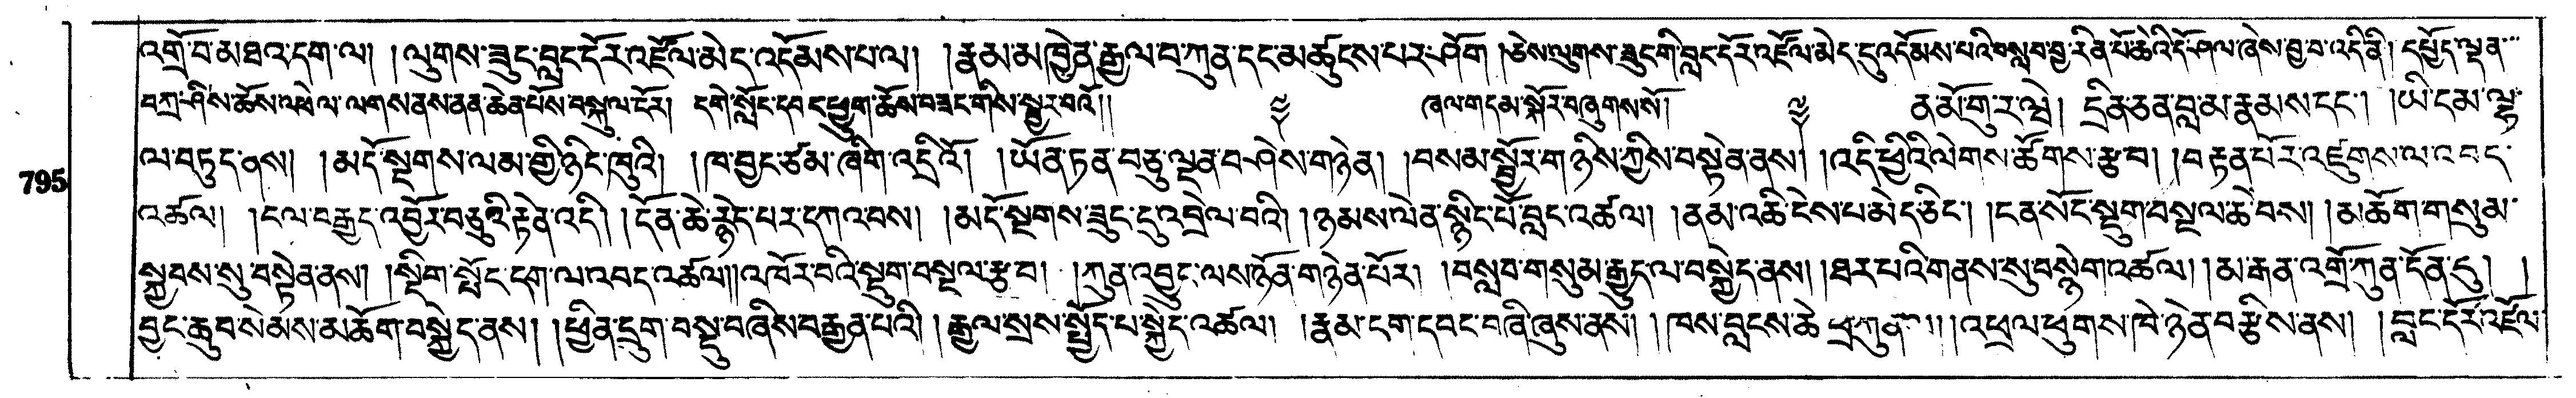འགྲོ་བ་མཐའ་དག་ལ། །ལུགས་ཟུང་བླང་དོར་འཛོལ་མེད་འདོམས་པ་ལ། །རྣམ་མཁྱེན་རྒྱལ་བ་ཀུན་དང་མཚུངས་པར་ཤོག །ཅེས་ལུགས་ཟུང་གི་བླང་དོར་འཛོལ་མེད་དུ་འདོམས་པའི་བསླབ་བྱ་རིན་པོ་ཆེའི་དོ་ཤལ་ཞེས་བྱ་བ་འདི་ནི། དཔྱོད་ལྡན་
བཀྲ་ཤིས་ཆོས་འཕེལ་ལགས་ནས་ནན་ཆེན་པོས་བསྐུལ་ངོར། དགེ་སློང་དབང་ཕྱུག་ཆོས་བཟང་གིས་སྦྱར་བྱའོ།། ༈ ཞལ་གདམ་སྐོར་བཞུགས་སོ། ༈ ན་མོ་གུ་ར་ཝེ། དྲིན་ཅན་བླ་མ་རྣམས་དང་། །ཡི་དམ་ལྷ་
ལ་བཏུད་ནས། །མདོ་སྔགས་ལམ་གྱི་ཉིང་ཁུའི། །ཁ་བྱང་ཙམ་ཞིག་འདྲིའོ། །ཡོན་ཏན་བཅུ་ལྡན་བཤེས་གཉེན། །བསམ་སྦྱོར་གཉིས་ཀྱིས་བསྟེན་ནས། །འདི་ཕྱིའི་ལེགས་ཚོགས་རྩ་བ། །བརྟན་པོར་འཛུགས་ལ་འབད་
འཚལ། །ངལ་བརྒྱད་འབྱོར་བཅུའི་རྟེན་འདི། །དོན་ཆེ་རྙེད་པར་དཀའ་བས། །མདོ་སྔགས་ཟུང་དུ་འབྲེལ་བའི། །ཉམས་ལེན་སྙིང་པོ་བླང་འཚལ། །ནམ་འཆི་ངེས་པ་མེད་ཅིང་། །ངན་སོང་སྡུག་བསྔལ་ཆེ་བས། །མཆོག་གསུམ་
སྐྱབས་སུ་བསྟེན་ནས། །སྡིག་སྤོང་དག་ལ་འབད་འཚལ། །འཁོར་བའི་སྡུག་བསྔལ་རྩ་བ། །ཀུན་འབྱུང་ལས་ཉོན་གཉེན་པོར། །བསླབ་གསུམ་རྒྱུད་ལ་བསྐྱེད་ནས། །ཐར་པའི་གནས་སུ་བསྙེག་འཚལ། །མ་རྒན་འགྲོ་ཀུན་དོན་དུ། །
བྱང་ཆུབ་སེམས་མཆོག་བསྐྱེད་ནས། །ཕྱིན་དྲུག་བསྡུ་བཞིས་བརྒྱན་པའི། །རྒྱལ་སྲས་སྤྱོད་པ་སྐྱེད་འཚལ། །རྣམ་ངག་དབང་བཞི་ཞུས་ནས། །ཁས་བླངས་ཆེ་ཕྲ་ཀུན་ལ། །འཕྲལ་ཕུགས་ཁེ་ཉེན་བརྩིས་ནས། །བླང་དོར་འཛོལ་